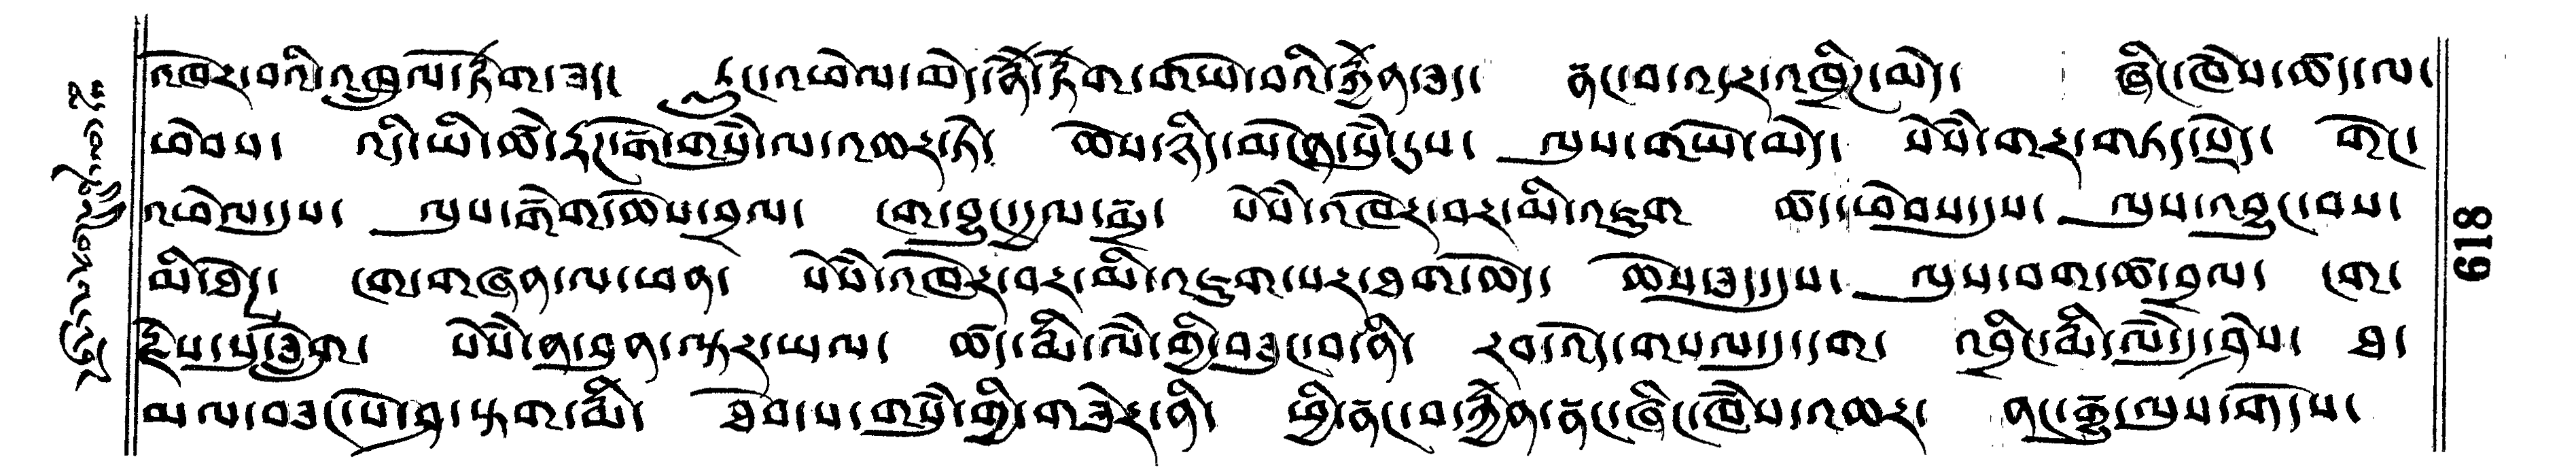འཁོར་བའི་འཁྲུལ་རྟོག་ཟད། རླུང་འཕེལ་མེད་རྣམ་རྟོག་གཡོ་བའི་རྐྱེན་ཟད། སྣང་བ་འདར་འཁྲིགས་མེད། ཞིང་ཁམས་ཚད་ལ་
ཕེབས། འདི་ཡི་ཚེ་རྟགས་སྒོ་གསུམ་ལ་འཆར་ཏེ། ཆོས་ཉིད་མངོན་སུམ་དུས། ལུས་གཡོ་མེད། སེམས་གར་གཏད་སྡོད། གོང་
འཕེལ་དུས། ལུས་སྒེག་ཆོས་བྲལ། ངག་བྱུང་རྒྱལ་སྨྲ། སེམས་འཁོར་བར་མི་འཇུག ཚད་ཕེབས་དུས། ལུས་འབྱུང་བས་
མི་ཐོགས།ངག་གཞན་ལ་ཕན། སེམས་འཁོར་བར་མི་འཇུག་པར་ཐག་ཆོད། ཆོས་ཟད་དུས། ལུས་བག་ཚ་བྲལ། ངག་
རྗེས་སུ་ཟློ། སེམས་ན་བུན་ལྟར་ཡལ། ཚད་རྨི་ལམ་གྱིས་བཟུང་བ་ནི། རབ་འོད་གསལ་དུ་དག འབྲིང་རྨི་ལམ་དུ་ཤེས། ཐ་
མལ་བཟང་པོ་ཤ་སྟག་རྨི། ཐོབ་པ་གསུམ་གྱི་གཟེར་ནི། ཕྱི་སྣང་བ་རྐྱེན་སྣང་ཞིང་ཁམས་འཆར། ནང་སྒྱུ་ལུས་གདོས་